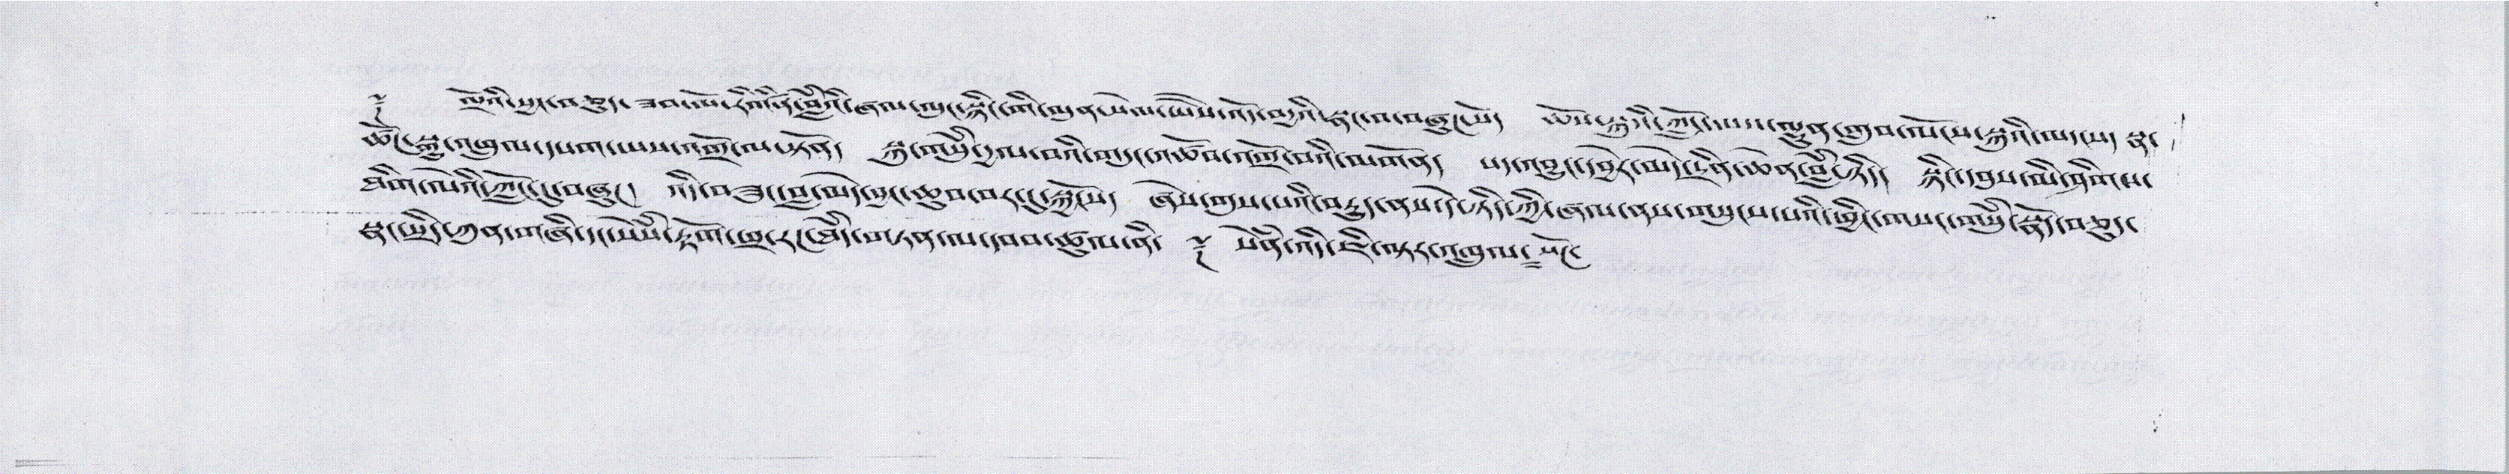༄༅།། མཁའ་འགྲོ་གསང་བཅུད་ཟབ་མོ་རིག་འཛིན་བླ་མའི་ཞལ་ལུང་སྙིང་གི་མུན་སེལ་ཡེ་ཤེས་འོད་བརྒྱའི་སྣང་བ་བཞུགས་སོ། ཆོས་སྐུའི་ཀློང་ལས་ལྷུན་གྲུབ་ལོངས་སྐུའི་མདངས། སྣ་
ཚོགས་སྒྱུ་འཕྲུལ་དཔག་ཡས་འགྲོ་ལ་སྟོན། སྐུ་གསུམ་རྒྱལ་བའི་གདུང་འཚོབ་འགྲོ་བའི་མགོན། པད་འབྱུང་དབྱེར་མེད་དྲིན་ཆེན་བླ་མ་ཉིད། སྙིང་དབུས་མི་ཤིག་
ཐིག་ལེའི་ཀློང་དུ་བཞུགས། འདི་བཟུང་བླ་མེད་བྱང་ཆུབ་བར་དུ་སྐྱོང་། ཞེས་གུས་པའི་བརྒྱུད་ནས་དེ་ཉིད་ཀྱི་ཞལ་ནས་གསུངས་པའི་ཕྱི་ནང་གསང་གསུམ་སྣོད་བཅུད་
སྣང་སྲིད་ཀུན་གཞི་དང་སེམས་རྟོག་ཕྲ་རགས་ཐམས་ཅད་གཏན་ལ་དབབ་ཚུལ་ནི། ༈ སེམས་ཅན་འདི་ཇི་ལྟར་འཁྲུལ་སོགས་